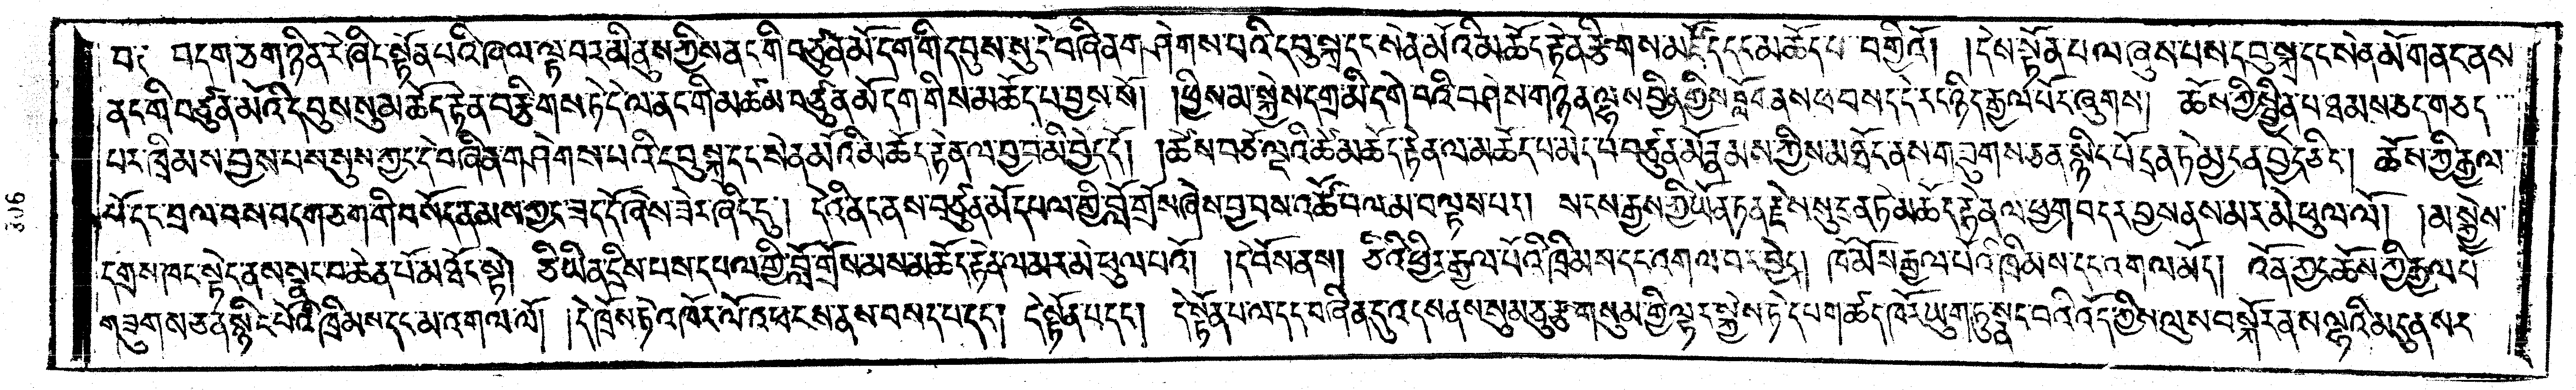བ༑ བདག་ཅག་ཉིན་རེ་ཞིང་སྟོན་པའི་ཞལ་ལྟ་བར་མི་ནུས་ཀྱིས་ནང་གི་བཙུན་མོ་དག་གི་དབུས་སུ་དེ་བཞིན་གཤེགས་པའི་དབུ་སྐྲ་དང་སེན་མོའི་མཆོད་རྟེན་རྩིགས་མཛོད་དང་མཆོད་པ་བགྱིའོ། །དེས་སྟོན་པ་ལ་ཞུས་པས་དབུ་སྐྲ་དང་སེན་མོ་གནང་ནས་
ནང་གི་བཙུན་མོའི་དབུས་སུ་མཆོད་རྟེན་བརྩིགས་ཏེ་དེ་ལ་ནང་གི་མཚམ་བཙུན་མོ་དག་གིས་མཆོད་པ་བྱས་སོ། །ཕྱིས་མ་སྐྱེས་དགྲ་མི་དགེ་བའི་བཤེས་གཉེན་ལྷས་བྱིན་གྱིས་བློ་གནས་ཕབས་དེ་རང་ཉིད་རྒྱལ་པོར་ཞུགས། ཆོས་ཀྱི་སྦྱིན་པ་ཐམས་ཅད་གཅད་
པར་ཁྲིམས་བྱས་པས་སུས་ཀྱང་དེ་བཞིན་གཤེགས་པའི་དབུ་སྐྲ་དང་སེན་མོའི་མཆོད་རྟེན་ལ་བྱ་བ་མི་བྱེད་དོ། །ཚེས་བཅོ་ལྔའི་ཚེ་མཆོད་རྟེན་ལ་མཆོད་པ་མེད་པ་བཙུན་མོ་རྣམས་ཀྱིས་མཐོང་ནས་གཟུགས་ཅན་སྙིང་པོ་དྲན་ཏེ་མྱ་ངན་བྱེད་ཅིང་། ཆོས་ཀྱི་རྒྱལ་
པོ་དང་བྲལ་བས་བདག་ཅག་གི་བསོད་ནམས་ཀྱང་ཟད་དོ་ཞེས་ཟེར་ཞིང་དུ། དེའི་ནང་ནས་བཙུན་མོ་དཔལ་གྱི་བློ་གྲོས་ཞེས་བྱ་བས་འཚོ་བ་ལ་མ་བལྟས་པར། སངས་རྒྱས་ཀྱི་ཡོན་ཏན་རྗེས་སུ་དྲན་ཏེ་མཆོད་རྟེན་ལ་ཕྱག་བདར་བྱས་ནས་མར་མེ་ཕུལ་ལོ། །མ་སྐྱེས་
དགྲས་ཁང་སྟེང་ནས་སྣང་བ་ཆེན་པོ་མཐོང་སྟེ། ཅི་ཡིན་དྲིས་པས་དཔལ་གྱི་བློ་གྲོས་མས་མཆོད་རྟེན་ལ་མར་མེ་ཕུལ་པའོ། །དེ་བོས་ནས། ཅིའི་ཕྱིར་རྒྱལ་པོའི་ཁྲིམས་དང་འགལ་བར་བྱེད། ཁོ་མོས་རྒྱལ་པོའི་ཁྲིམས་དང་འགལ་མོད། འོན་ཀྱང་ཆོས་ཀྱི་རྒྱལ་པོ་
གཟུགས་ཅན་སྙིང་པོའི་ཁྲིམས་དང་མ་འགལ་ལོ། །དེ་ཁྲོས་ཏེ་འཁོར་ལོ་འཕངས་ནས་བསད་པ་དང་། དེ་སྟོན་པ་དང་། དེ་སྟོན་པ་ལ་དད་བཞིན་དུ་འདས་ནས་སུམ་ཅུ་རྩ་གསུམ་གྱི་ལྟར་སྐྱེས་ཏེ་དཔག་ཚད་ཁོར་ཡུག་ཏུ་སྣང་བའི་འོད་ཀྱིས་ལུས་བསྐོར་ནས་ལྷའི་མདུན་སར་